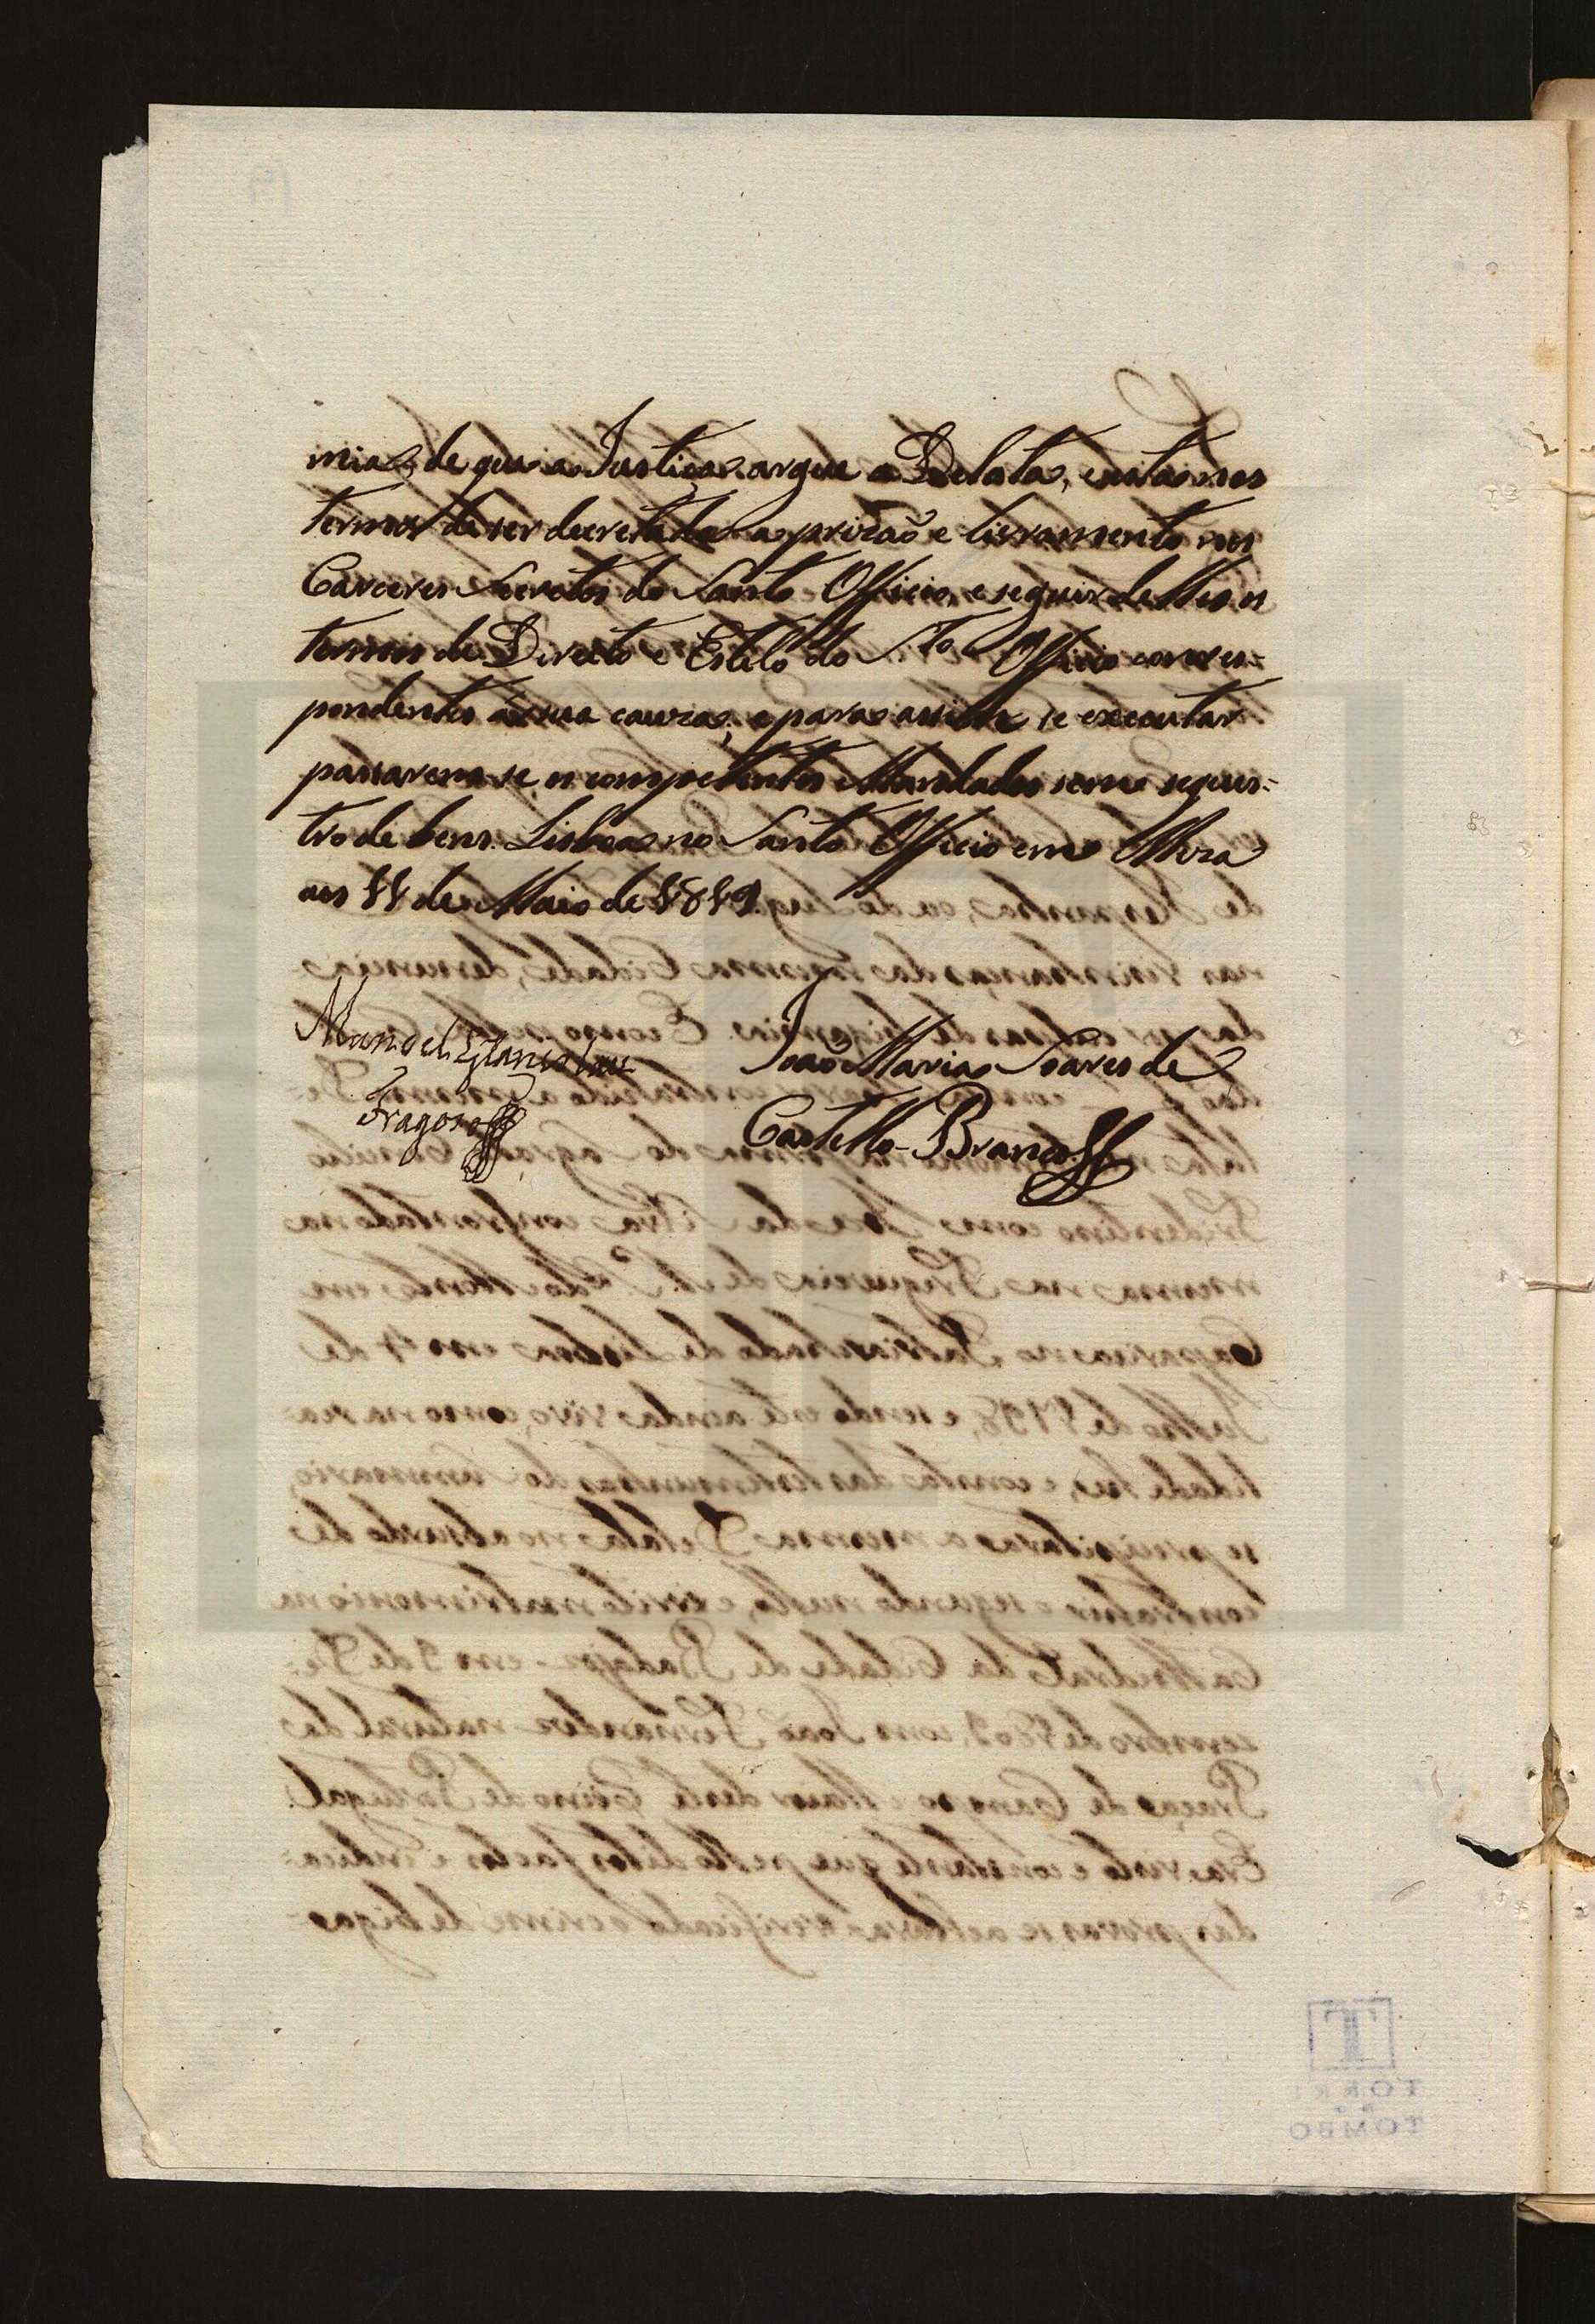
mia, de que a Iustiça argue a Delata, e esta nos
termos de ser decretada a prizaõ e livramento nos
Carceres Secretos do Santo Officio, e seguir delles os
termos de Direito e Estilo do S.to Officio corres
pondentes á sua cauza, e para assim se executar
passarem-se os competentes Mandados sem seques
tro de bens: Lisboa no Santo Officio em Meza
aos 11 de Maio de 1819.
Manoel Estanislau
Ioaõ Maria Soares de
Fragoso
Castello-Branco
